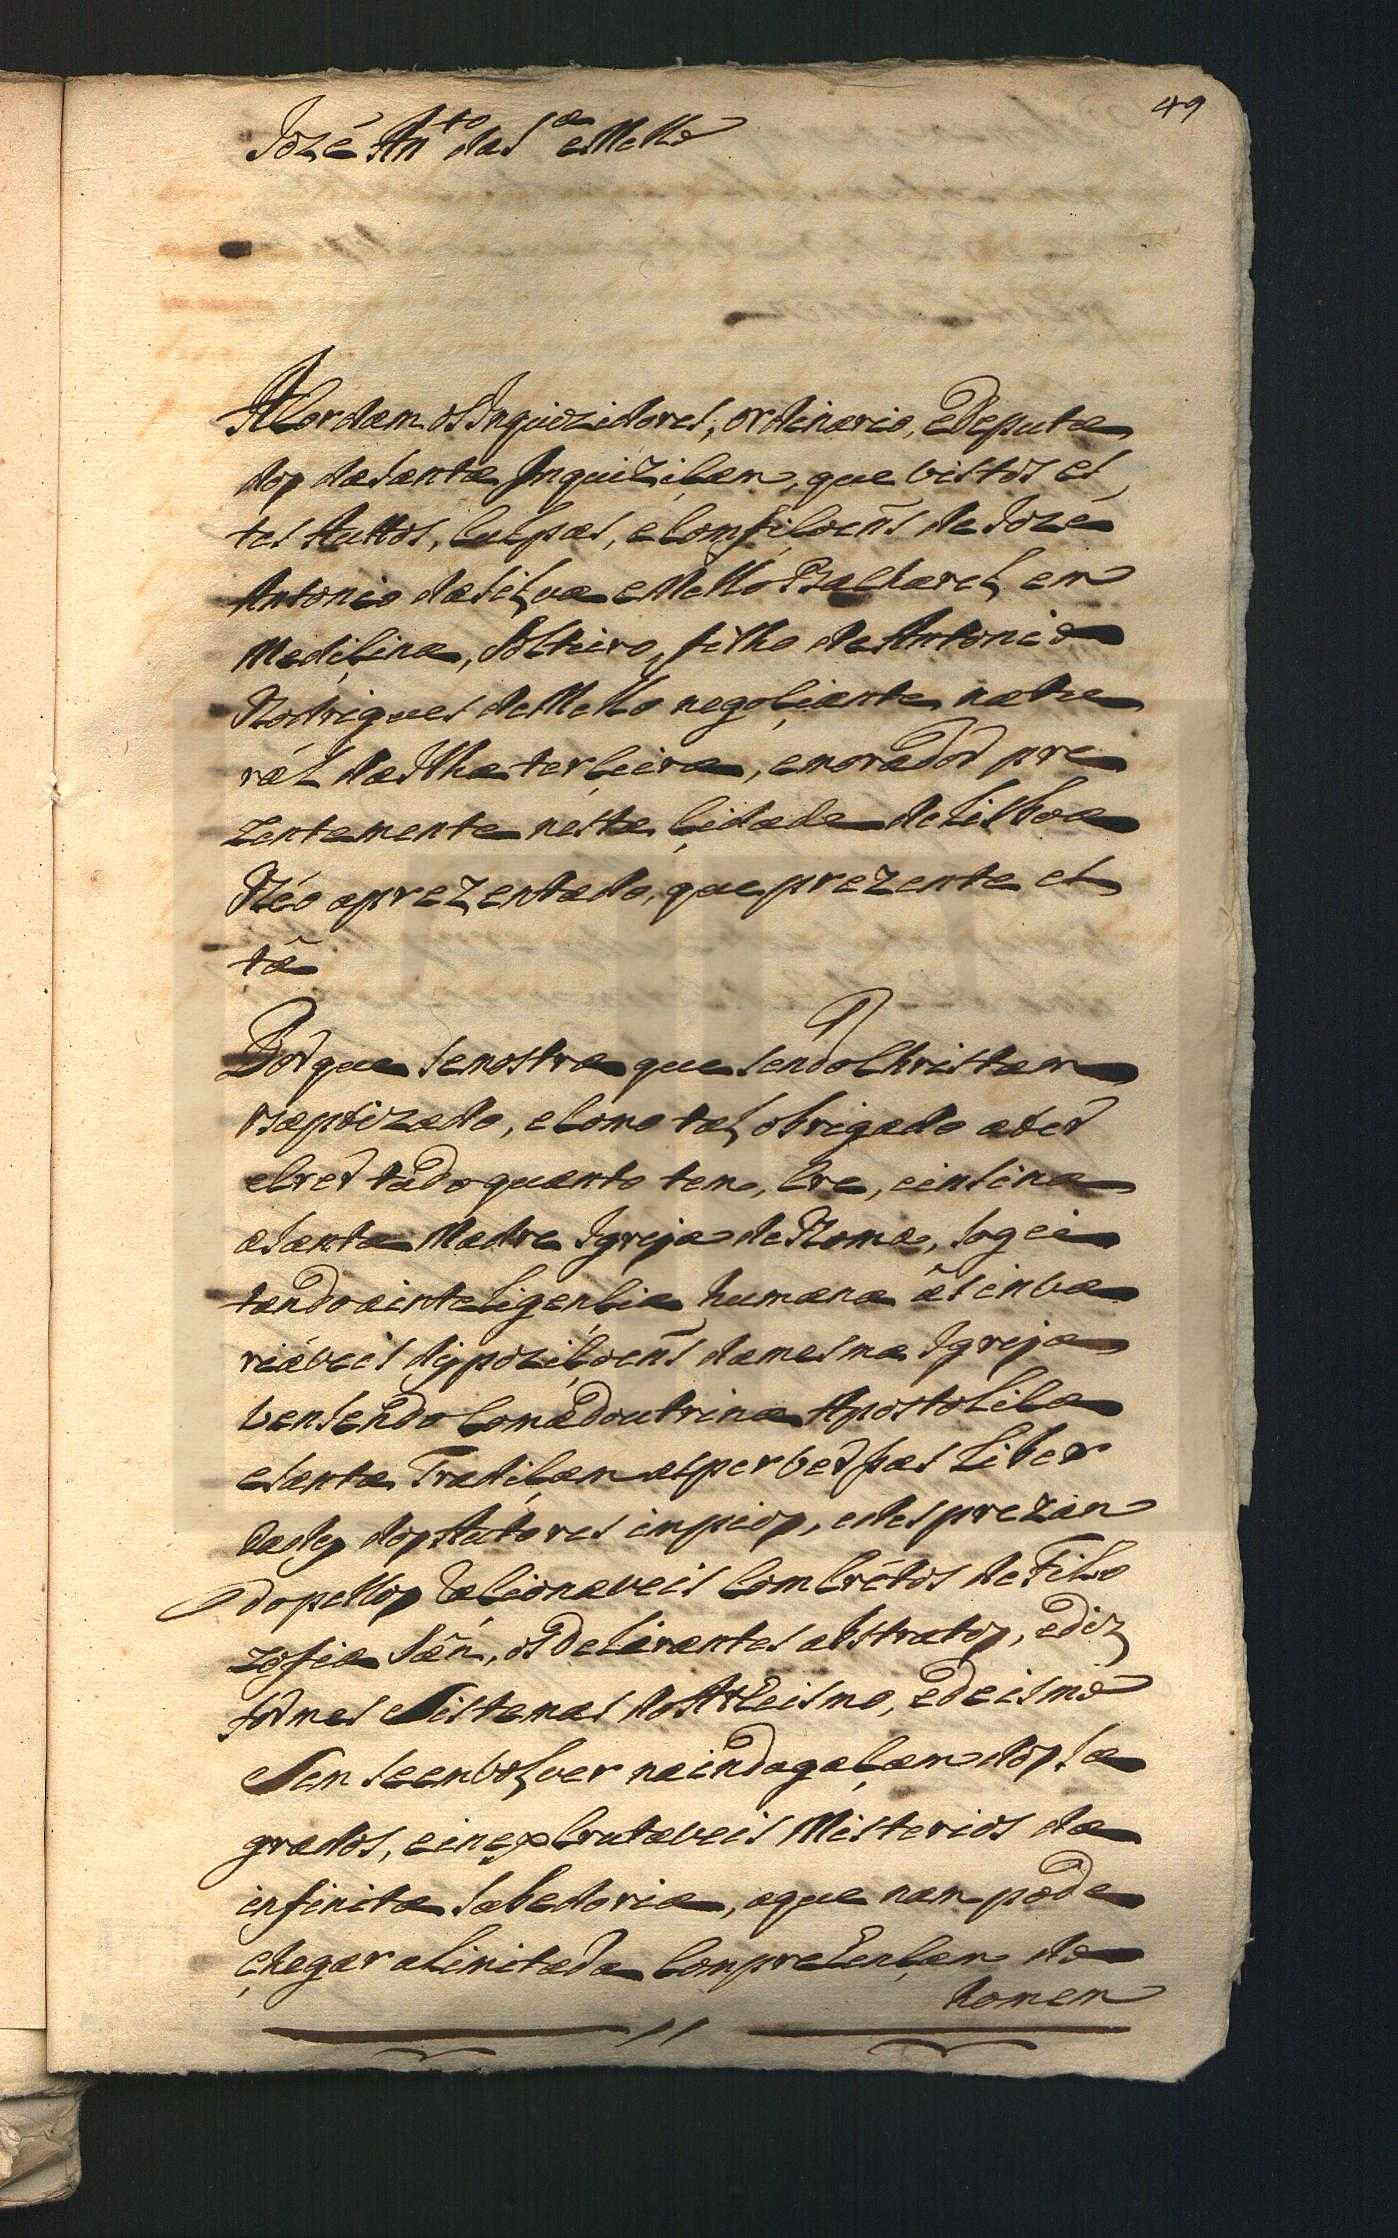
Iozé An.to da S.a e Mello
ACordam os Inquizidores, ordinario, e Deputa
dos da santa JnquiziÇam, que vistos es
tes Auttos, Culpas, e ComfiÇoen̄s de Iozé
Antonio da Silva e Mello Bacharel em
MediÇina, solteiro, filho de Antonio
Rodrigues de Mello negoÇiante natu
ráL da Ilha terÇeira, e morador pre
zentemente nesta Çidade de Lisboa
Réo aprezentado, que prezente es
tâ
Porque se mostra que sendo Christam
Baptizado, e Como tal, obrigado a ter
e Crer todo quanto tem, Cre, e insina
a Santa Madre Igreja de Roma, sogei
tando a inteLigençia humana âs inva
riáveis dispoziÇoeñs da mesma Igreja
vensendo Com a doutrina ApostoLiCa
e santa TradiÇam as perversas Liber
dades dos Autores impios, e desprezan
do pellos RaÇionaveis ComCrétos de FiLo
zofia Sân, os delirantes abstratos, e diz
formes Sistemas do Atheismo, e deismo
Sem se emvoLver na indagaÇam dos sa
grados, e inexCrutaveis Misterios da
infinita sabedoria, a que nam pode
çhegar a Limitada ComprehenÇam do
homem
